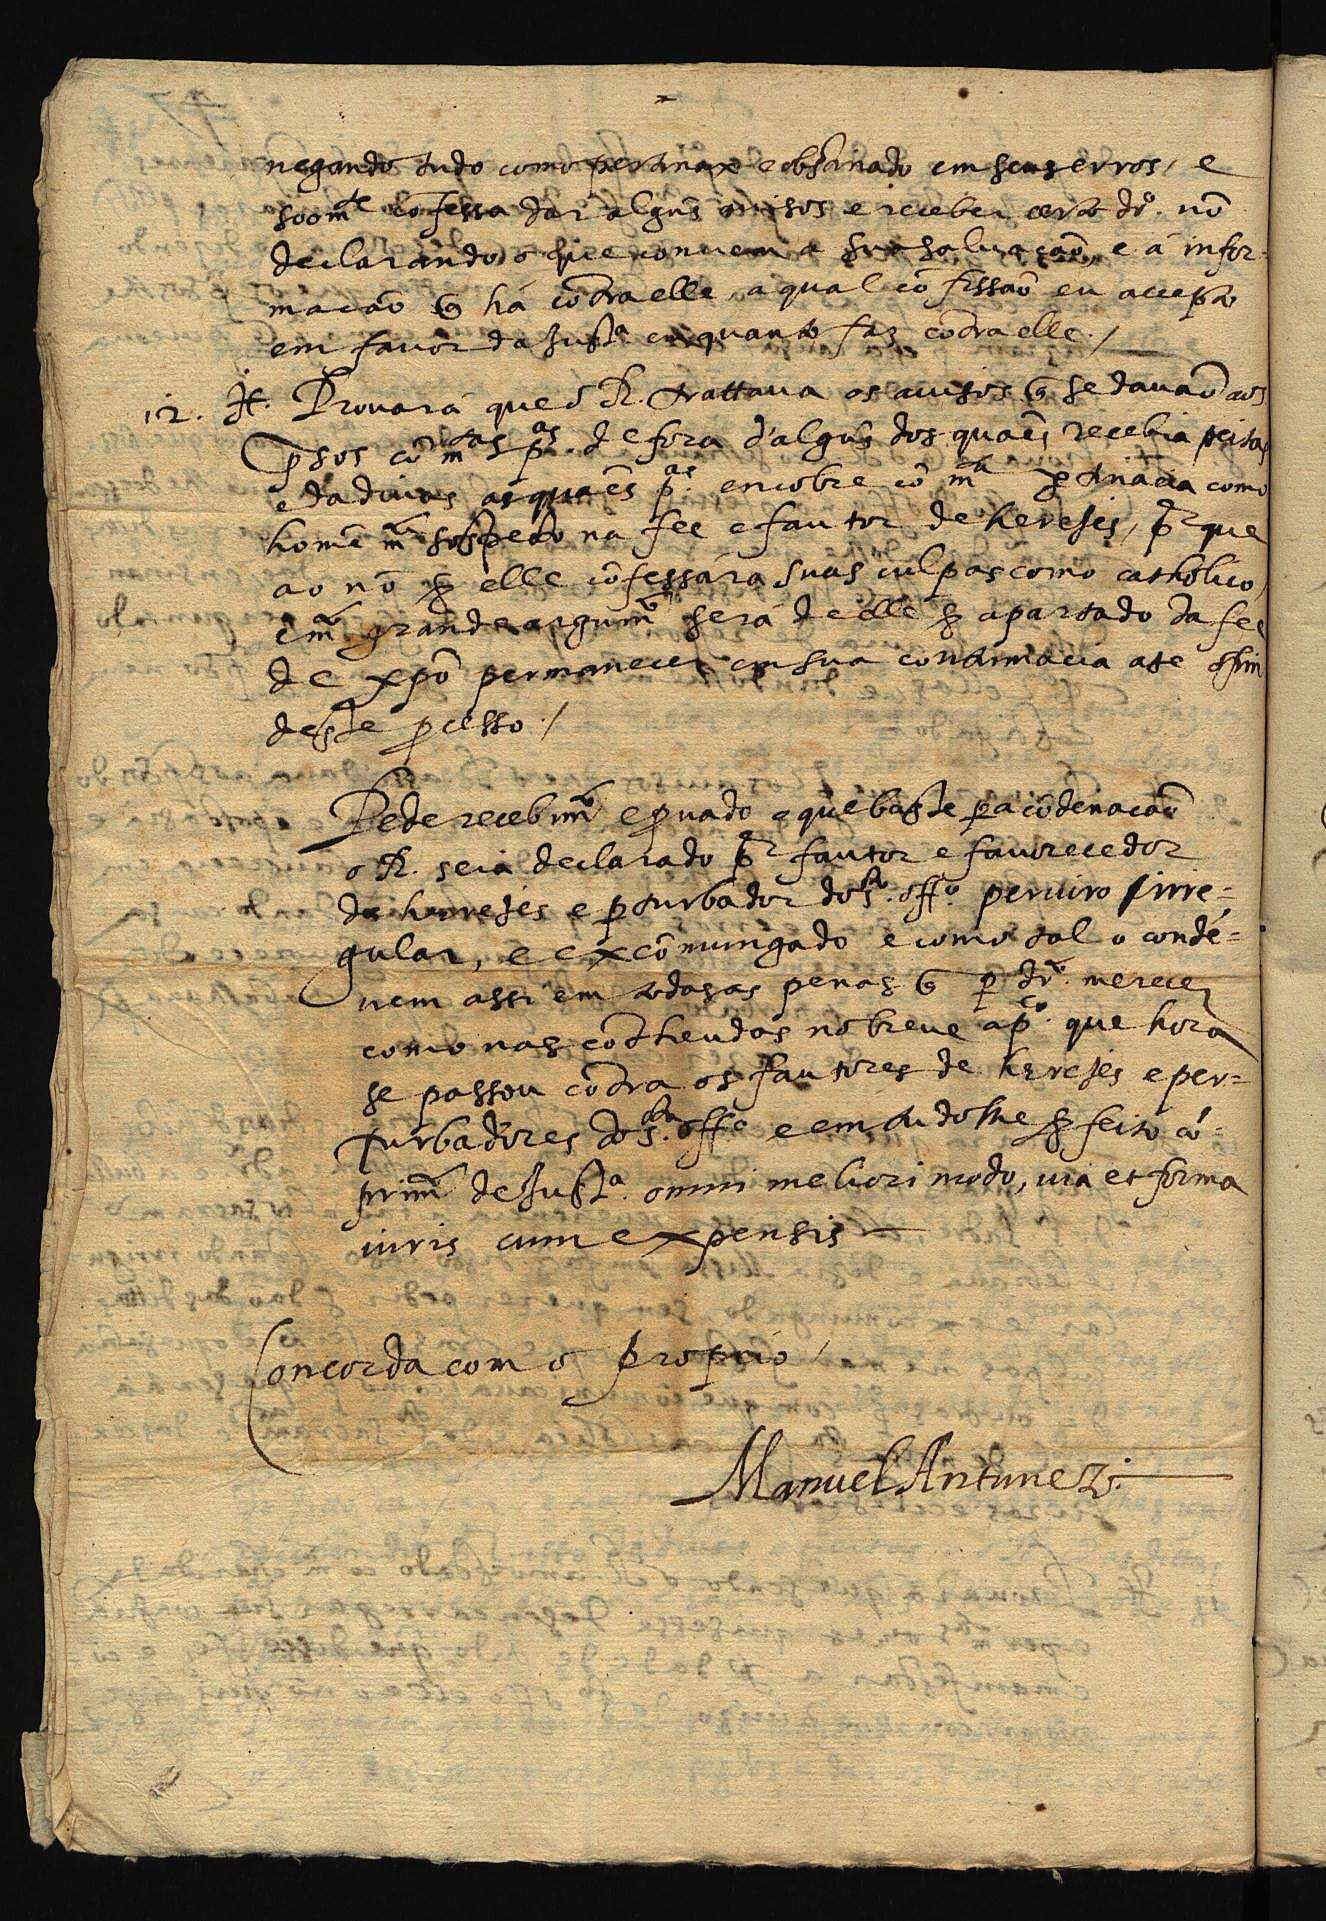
negando tudo como pertinax e obstinado em seus erros, e
soomte cōfessa dar algūs auisos e receber certo dro. nō
declarando o que conuem a sua saluação, e á infor
mação q̄ há cōtra elle, a qual cōfissaõ eu accepto
em fauor da Iusta. emquanto faz cōtra elle./
i2. It. Prouará que o R. trattaua os auisos q̄ se dauão aos
p̄sos cō mtas pas de fora dalgūs dos quaēs recebia peitas
e dadiuas as quaēs pas. encobre cō mta ꝑtinacia como
homē mto sospecto na fee e fautor de herejes, porque
ao nō ꞩ elle cōfessara suas culpas como catholico
e mto grande argumto será de elle ꞩ apartado da fee
de xpō permanecer em sua contumacia ate o fim
deste ꝓcesso ./
Pede recebimto e ꝓuado o que baste ꝑa cōdenaçaõ
o R. seia declarado por fautor e fauorecedor
de herejes e ꝑturbador do sto. off.o periuro irre
gular, e excōmungado e como tal o condē
nem assi em todas as penas q̄ ꝑ drto. merecer
como nas cōtheudas no breue apco. que hora
se passou cōtra os fautores de herejes e per
turbadores do scto. offo e em tudo lhe ꞩ ffeito cō
prim.to de Iusta. omni meliori modo, uia et forma
iuris cum expensis
Concorda com o proprio
Manuel Antunez
